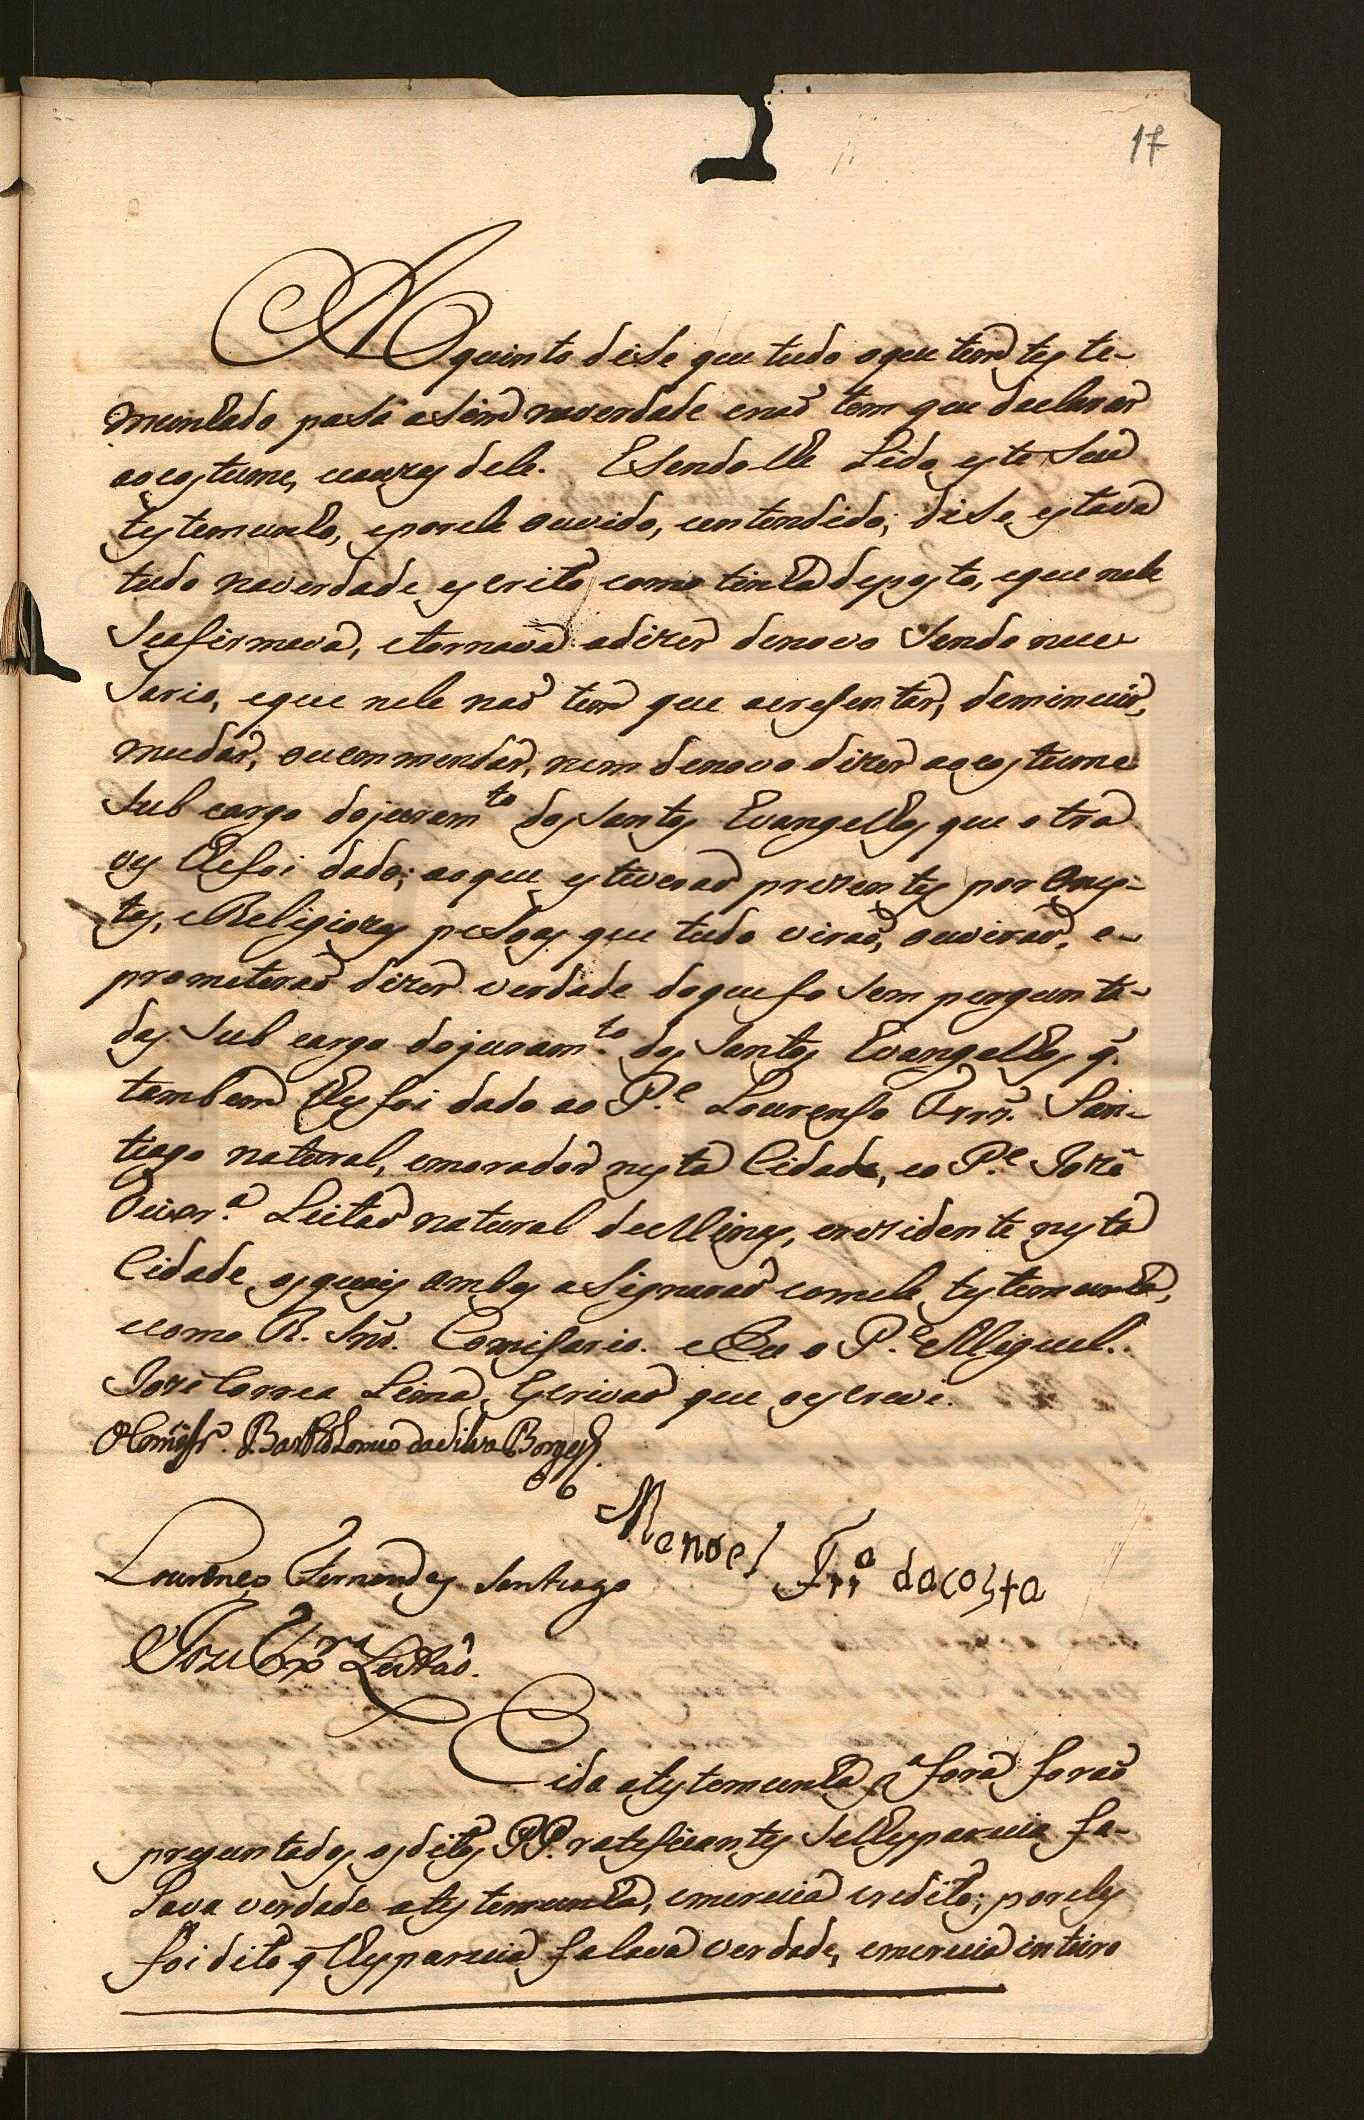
AO quinto diSe que tudo o que tem teste
munhado paSa aSim na verdade e naõ tem que declarar
ao costume, e couzas dele. E Sendolhe Lido este Seu
testemunho, e por ele ouvido, e entendido; diSe estava
tudo na verdade escrito como tinha deposto, que nele
se afirmava, e tornava a dizer de novo sendo nece
sario, e que nele naõ tem que acresentar, deminuir,
mudar, ou emmendar, nem de novo dizer ao costume
sub cargo do juramto dos santos Evangelhos que otra
ves lhe foi dado; ao que estiveraõ prezentes por ones
tas, e Religiozas peSoas que tudo viraõ, ouviraõ, e
prometeraõ dizer verdade do que fosem pergunta
das sub cargo do juramto dos santos Evangelhos q̄
tambem lhes foi dado ao P.e Lourenso Frrz̄ San
tiago natural, e morador nesta Cidade, e o P.e Iozé
Teixr.a Leitaõ natural de Minas, e rezidente nesta
Cidade os quais ambos aSignaraõ com ele testemunha,
e com o R. snr̄ Comisario. e Eu o P.e Miguel.
Ioze Correa Lima Escrivaõ que o escrevi.
E ida a testemunha pa fora foraõ
preguntados os ditos PP. rateficantes se lhes parecia fa
Lava verdade a testemunha, e merecia credito, por eles
foi dito q̄ lhes parecia falava verdade, e merecia inteiro
